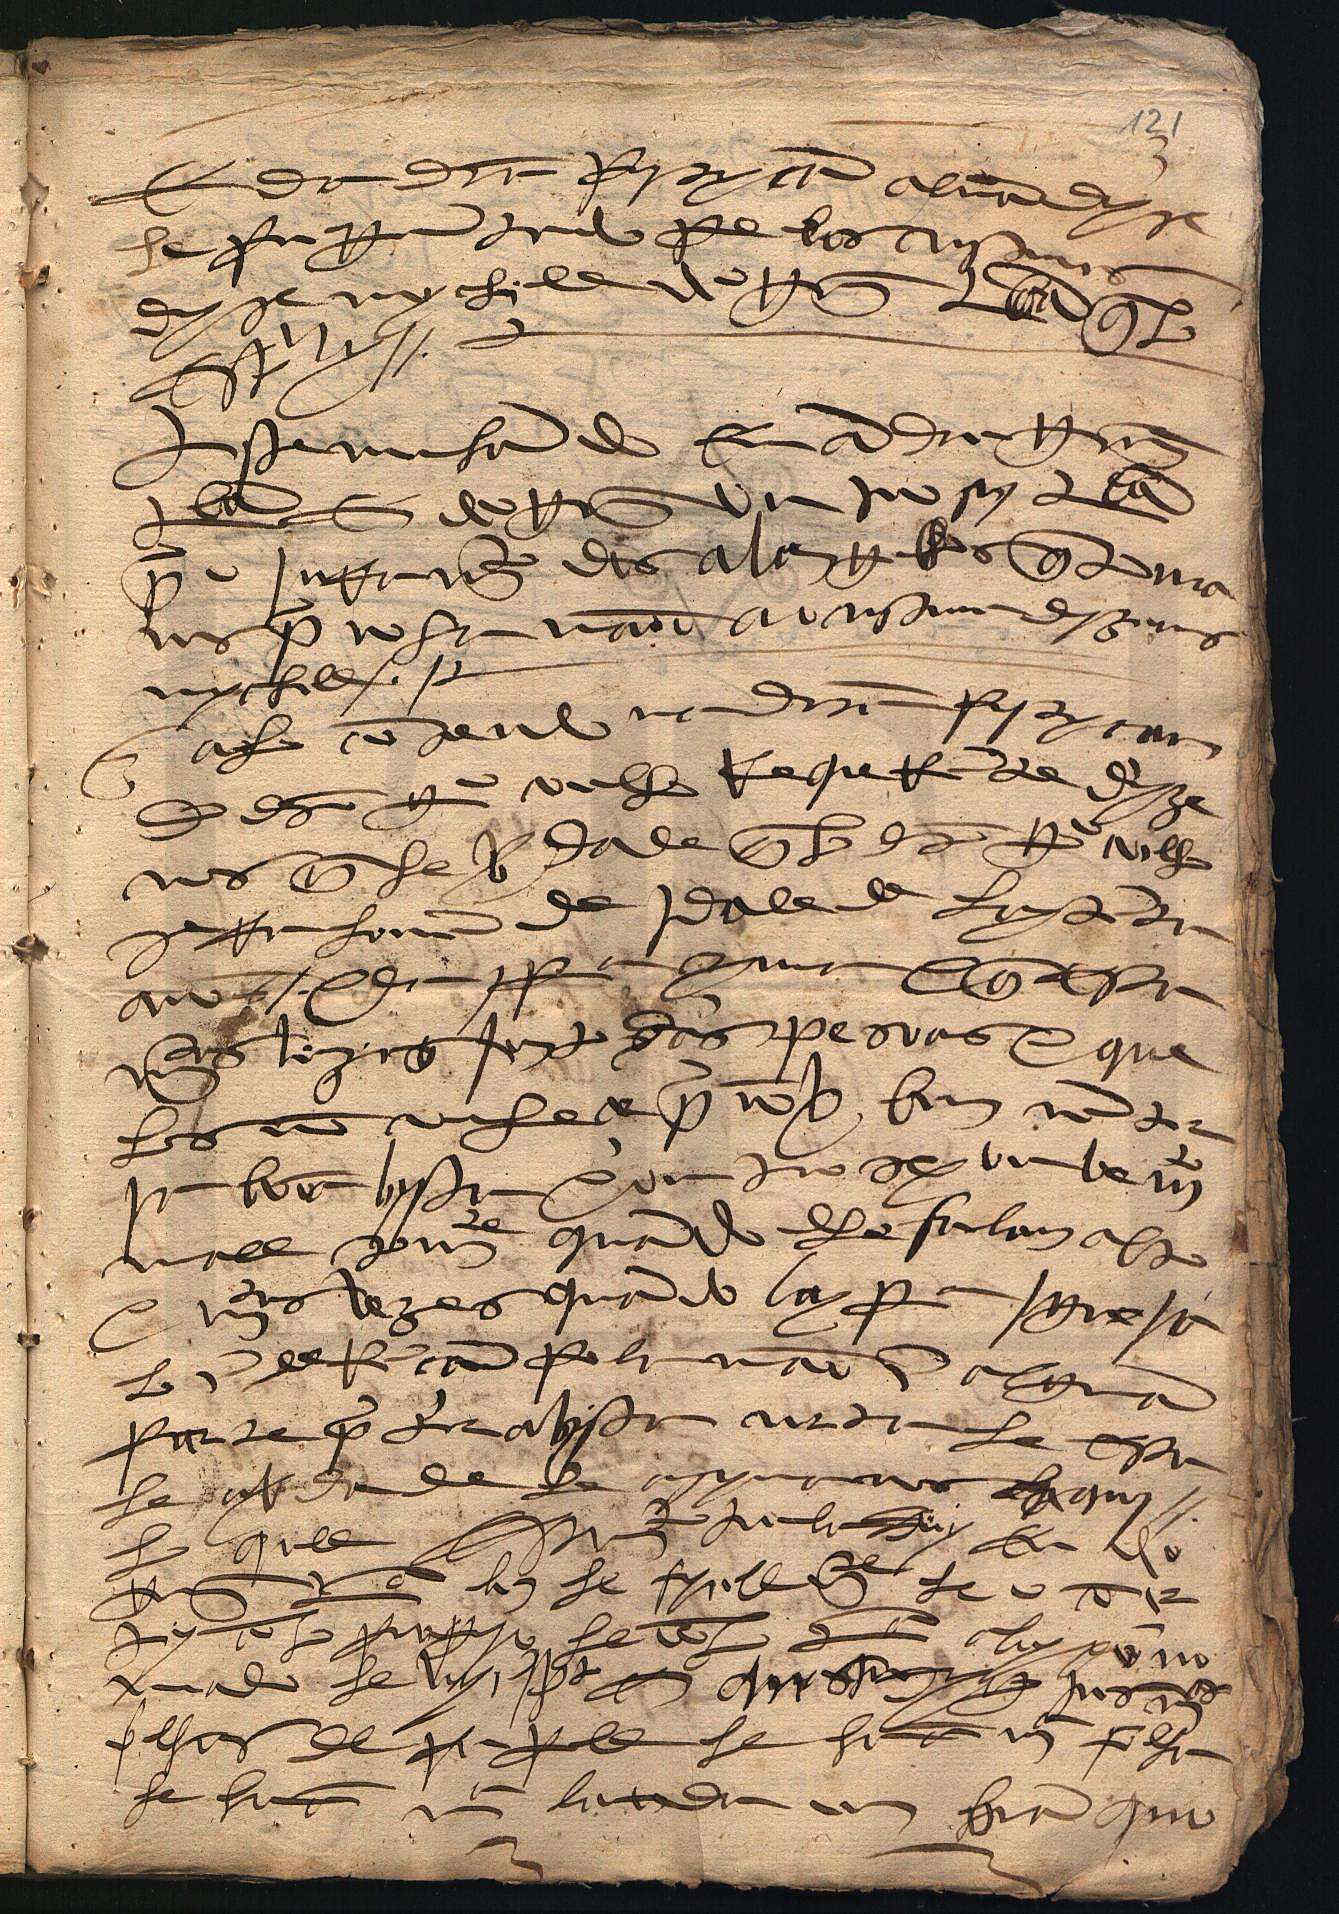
E da dt̄a pytyçā al nā dyse
he pregūtado pelos custumes
dyse nychell do gēz tbā q̄ ho
Espuy //.
testemunhādo Eu ādre gez̄
tbā E do gez̄ outrosy tbā
p̄o o JuRamto dos avangelhos q̄ toma
mos p̄o nosa mão ao custume djzemos
nychell /.
item aho c̄oteudo na dit̄a pytyçam
do dt̄o go coelho RequeRēte dyze
mos q̄ he ꝟdade q̄ ho dt̄o go coelho
seRa homē de Jdade de hoytēta
anos /. e daj ꝑa cyma e q̄ Esta
mtas vezes Junto das pesoas e que
hos n̄o conheçe p̄o n̄o ꝟ bem nē ter
ja boōa vysta e outrosy ouve mto
mall somte quādo lhe falam alto
e mtas vezes quādo vay ꝑ a JgreJa
ho ēdeRēçā pola m̄ao ē alguā
parte p̄o ter a vysta curta he Esta
he a ꝟdade he asynamos haquj //
ho qall Estrmto treladey Eu do
gez̄ tā ben he fyellmte he o c̄oçer
tey cō ho proprjo he c̄o ho tā abayxo no
meado he vay espto Em duastr dygo tres mas
folhas de papell he huā ma folha
he huā ma lauda em brāquo
